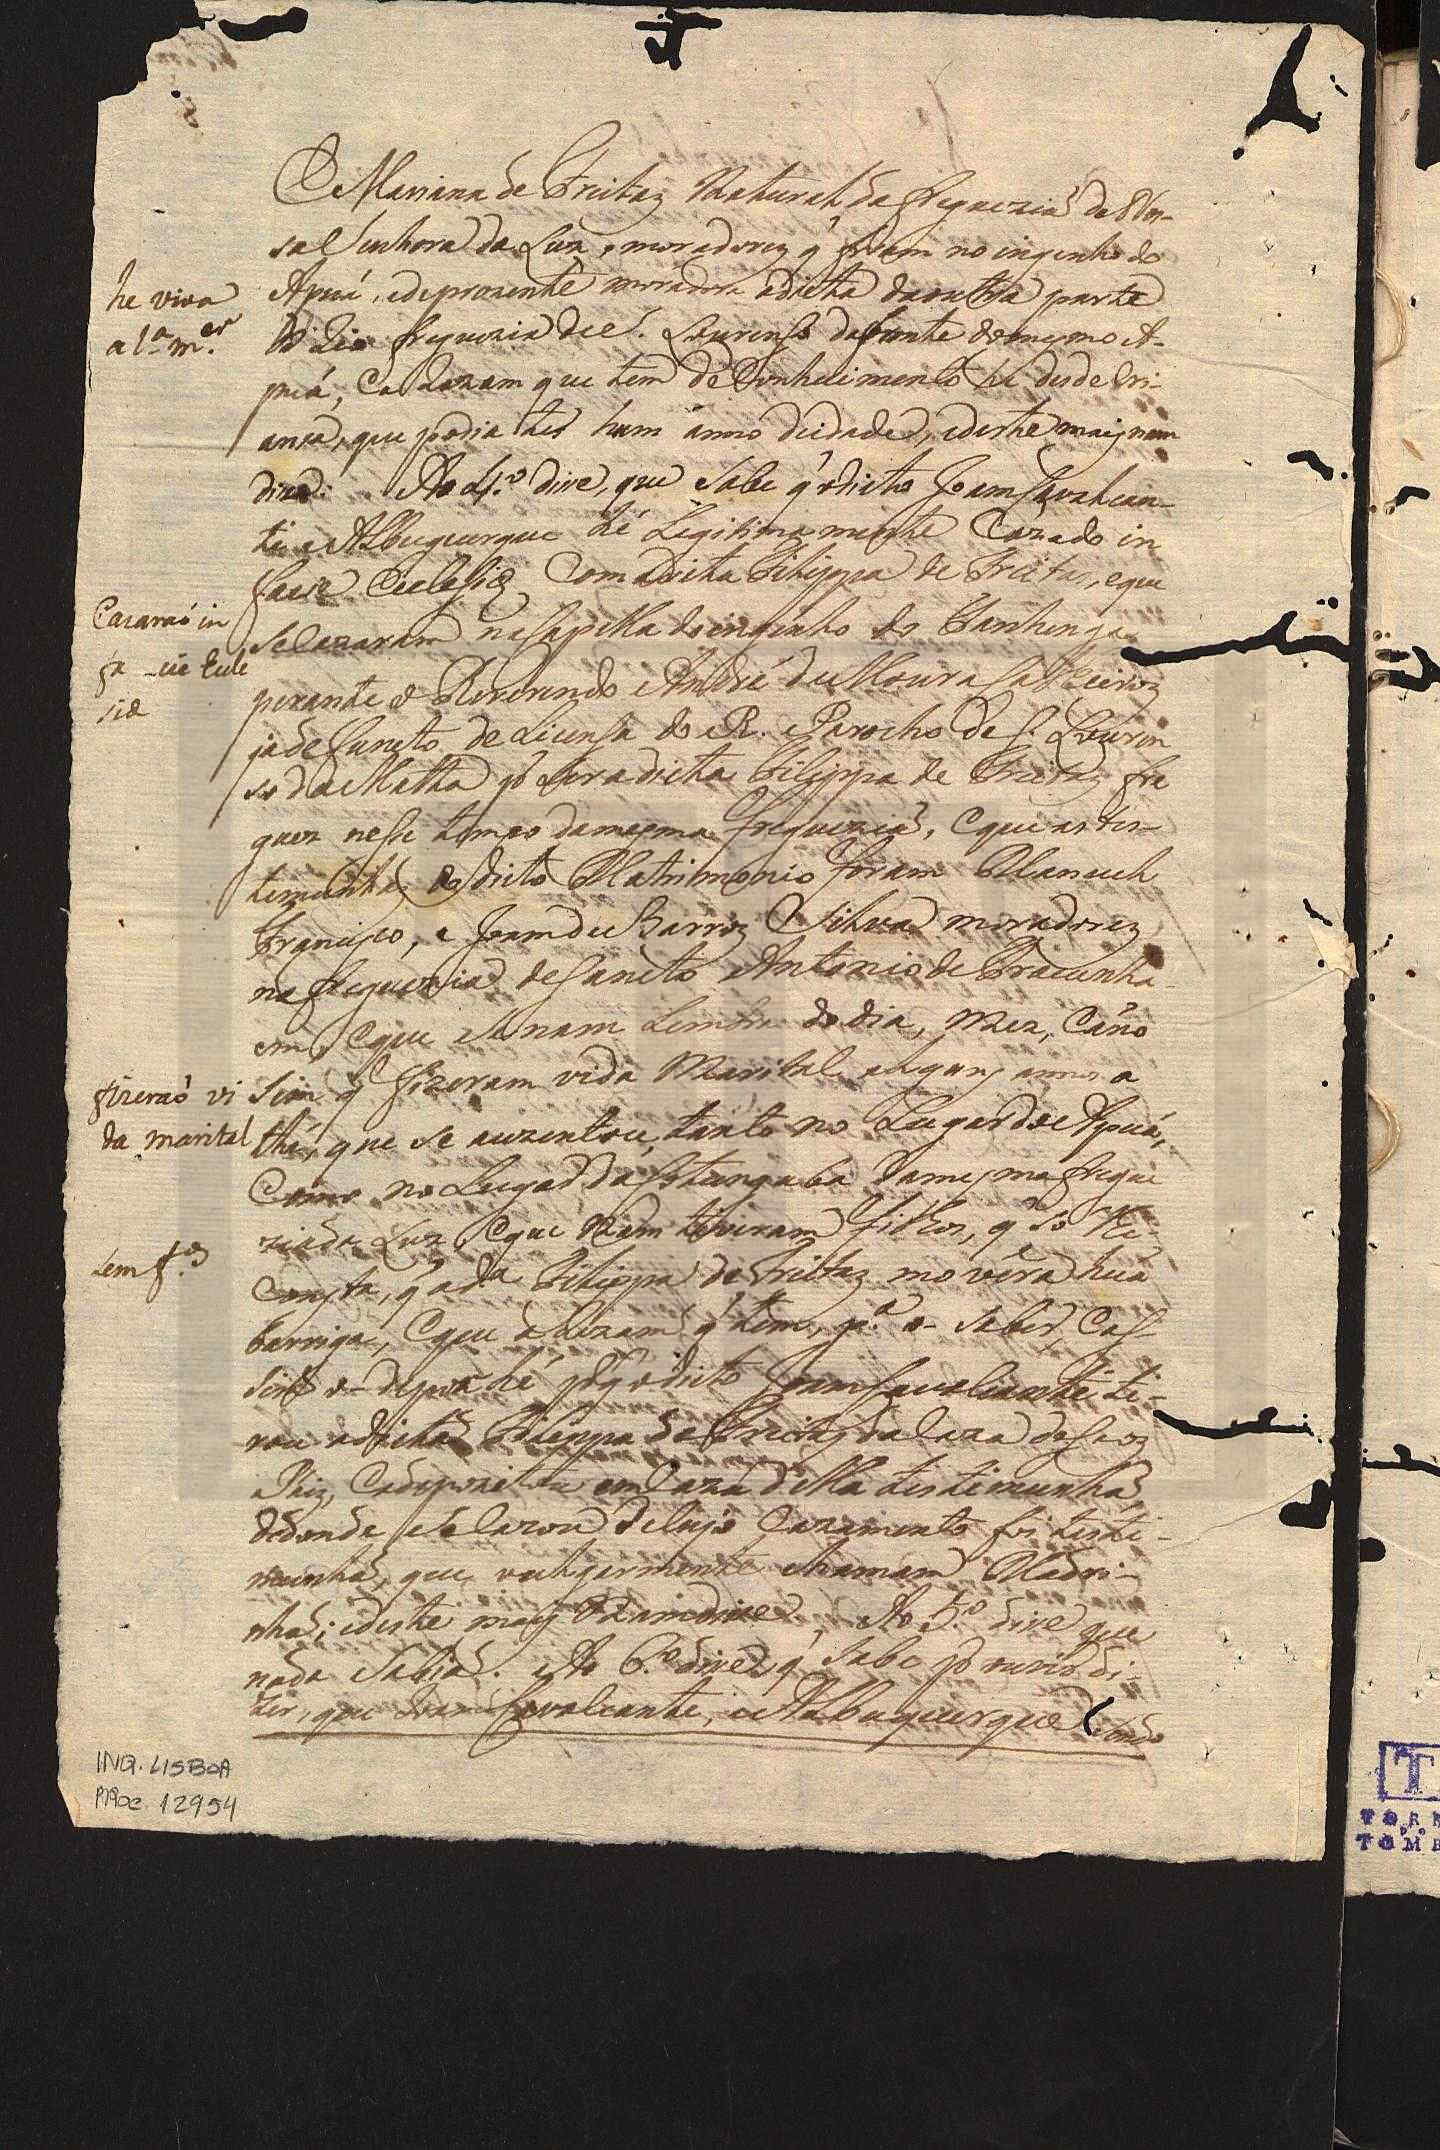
E Mariana de Freitaz Natural da freguezia de Nos
sa Senhora da Luz, moradores q̄ foram no ingenho do
Apuá, e de prezente moradora a dicta da outra parte
he viva
a 1.a m.er
Do Rio freguezia de S. Lourenso da fronte do mesmo A
puá, e a Razam que tem de Conhecimento he desde Cri
ansa, que podia ter hum anno de idade, e deste mais nam
dise. Ao 4.o disse, que Sabe q̄ o dicto Joam Cavalcan
ti e Albuquerque hé Legitimamente Cazado in
facie Ecclesiæ Com a dita Filippa de Freitas, e que
Cazaraõ in
fa-cie Eccle
siæ
se cazaram na Capella do engenho do Tanhenga
perante o Reverendo André de Moura Calheiroz
ja defuncto de Licensa do R. Parocho de s. Louren
so da Matta pr ser a dicta Filippa de Freitas fre
guez nesse tempo da mesma freguezia, E que as tes
temunhaz do dicto Matrimonio foram Manuel
Francisco, e Joam de Barroz Silva moradorez
na freguezia de Sancto Antonio de Pracunha
em e que se nam Lembra do dia, mez, e an̄o
fizeraõ vi
da marital
sim q̄ fizeram vida Marital alguns annos a
thé, que se auzentou, tanto no Lugar do Apuá,
Como no Lugar da Cotungaba da mesma fregue
zia da Luz, E que Nam tiveram filhos, q̄ só lhe
sem f.os
Consta, q̄ a d.a Filippa de Freitaz movêra huā
barriga, E que a Rezam q̄ tem, p.a o saber, E as
sinā o depoēte pl q̄ o dicto Joam Cavalcante ti
rou a dicta Felippa de Freitas da Caza de seoz
Páiz, E a depozitou em Caza della testimunha,
de donde Se Cazou de Cujo Cazamento foi testi
munha, que vulgarmente chamam Madri
nha; e deste mais Nam disse, Ao 5.o disse que
nada Sabia. Ao 6.o disse q̄ sabe p̄ ouvir di
zer, que Ioam Cavalcante, e Albuquerque sendo
